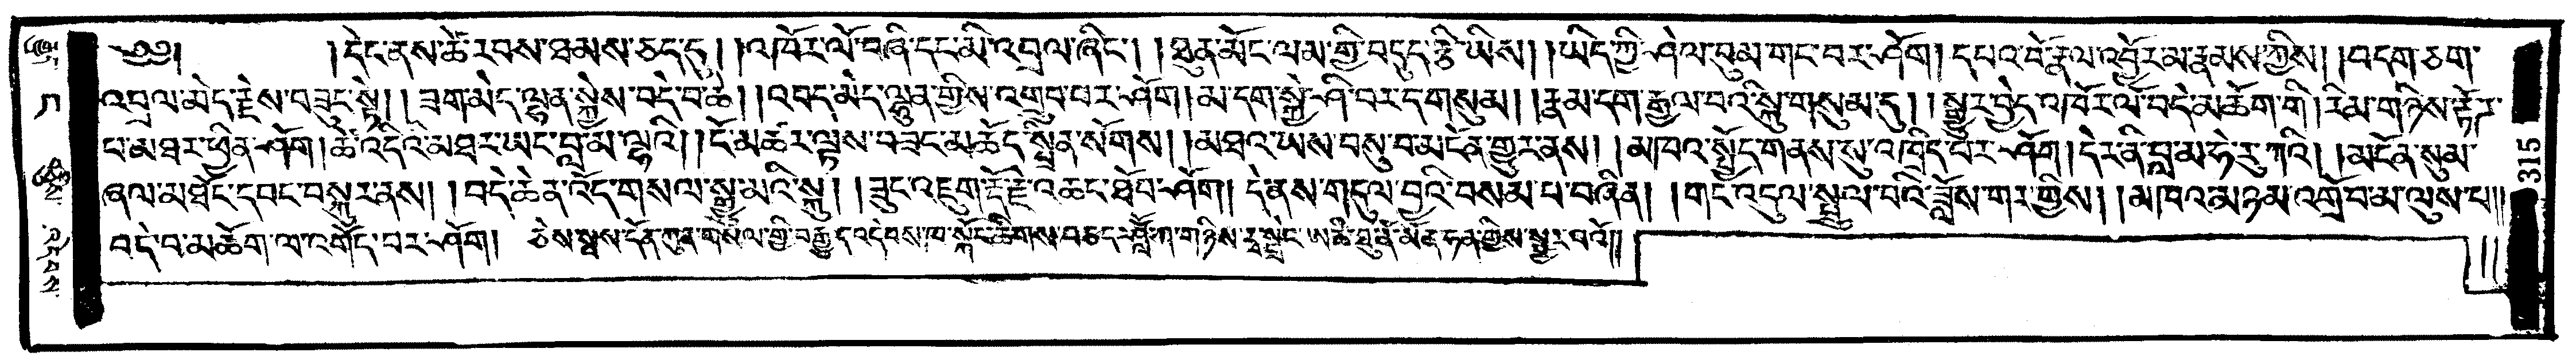༄༅། །དེང་ནས་ཚེ་རབས་ཐམས་ཅད་དུ། །འཁོར་ལོ་བཞི་དང་མི་འབྲལ་ཞིང་། །ཐུན་མོང་ལམ་གྱི་བདུད་རྩི་ཡིས། །ཡིད་ཀྱི་ཤེལ་བུམ་གང་བར་ཤོག །དཔའ་བོ་རྣལ་འབྱོར་མ་རྣམས་ཀྱིས། །བདག་ཅག་
འབྲལ་མེད་རྗེས་བཟུང་སྟེ། །ཟག་མེད་ལྷན་སྐྱེས་བདེ་བ་ཆེ། །འབད་མེད་ལྷུན་གྱིས་འགྲུབ་པར་ཤོག །མ་དག་སྐྱེ་ཤི་བར་ད་གསུམ། །རྣམ་དག་རྒྱལ་བའི་སྐུ་གསུམ་དུ། །སྒྱུར་བྱེད་འཁོར་ལོ་བདེ་མཆོག་གི །རིམ་གཉིས་རྟོགས་
པ་མཐར་ཕྱིན་ཤོག །ཚེ་འདིའི་མཐར་ཡང་བླ་མ་ལྷའི། །ངོ་མཚར་ལྟས་བཟང་མཆོད་སྤྲིན་སོགས། །མཐའ་ཡས་བསུ་བ་མངོན་གྱུར་ནས། །མཁའ་སྤྱོད་གནས་སུ་འཁྲིད་པར་ཤོག །དེར་ནི་བླ་མ་ཧེ་རུ་ཀའི། །མངོན་སུམ་
ཞལ་མཐོང་དབང་བསྐུར་ནས། །བདེ་ཆེན་འོད་གསལ་སྒྱུ་མའི་སྐུ། །ཟུང་འཇུག་རྡོ་རྗེ་འཆང་ཐོབ་ཤོག །དེ་ནས་གདུལ་བྱའི་བསམ་པ་བཞིན། །གང་འདུལ་སྤྲུལ་པའི་ཟློས་གར་གྱིས། །མཁའ་མཉམ་འགྲོ་བ་མ་ལུས་པ། །
བདེ་བ་མཆོག་ལ་འགོད་པར་ཤོག །ཅེས་སྦས་དོན་ཀུན་གསལ་གྱི་བརྒྱུད་འདེབས་ཁ་སྐོང་ཚིགས་བཅད་ཤོལོ་ཀ་གཉིས་རྭ་སྒྲེང་ཨ་ཆི་ཐུ་ནོ་མོན་ཧན་གྱིས་སྦྱར་བའོ།། །།